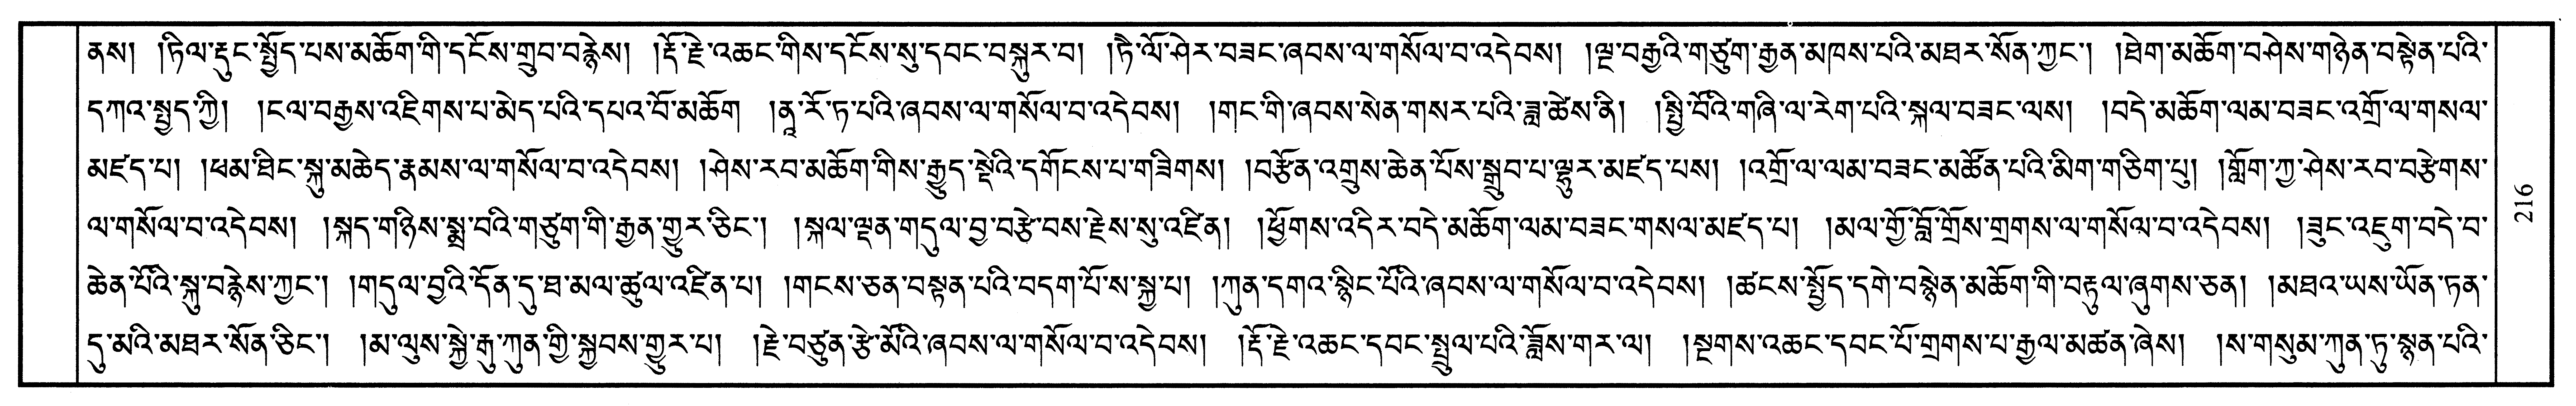ནས། །ཏིལ་རྡུང་སྤྱོད་པས་མཆོག་གི་དངོས་གྲུབ་བརྙེས། །རྡོ་རྗེ་འཆང་གིས་དངོས་སུ་དབང་བསྐུར་བ། །ཏཻ་ལོ་ཤེར་བཟང་ཞབས་ལ་གསོལ་བ་འདེབས། །ལྔ་བརྒྱའི་གཙུག་རྒྱན་མཁས་པའི་མཐར་སོན་ཀྱང་། །ཐེག་མཆོག་བཤེས་གཉེན་བསྟེན་པའི་
དཀའ་སྤྱད་ཀྱི། །ངལ་བརྒྱས་འཇིགས་པ་མེད་པའི་དཔའ་བོ་མཆོག །ནཱ་རོ་ཏ་པའི་ཞབས་ལ་གསོལ་བ་འདེབས། །གང་གི་ཞབས་སེན་གསར་པའི་ཟླ་ཚེས་ནི། །སྤྱི་བོའི་གཞི་ལ་རེག་པའི་སྐལ་བཟང་ལས། །བདེ་མཆོག་ལམ་བཟང་འགྲོ་ལ་གསལ་
མཛད་པ། །ཕམ་ཐིང་སྐུ་མཆེད་རྣམས་ལ་གསོལ་བ་འདེབས། །ཤེས་རབ་མཆོག་གིས་རྒྱུད་སྡེའི་དགོངས་པ་གཟིགས། །བརྩོན་འགྲུས་ཆེན་པོས་སྒྲུབ་པ་ལྷུར་མཛད་པས། །འགྲོ་ལ་ལམ་བཟང་མཚོན་པའི་མིག་གཅིག་པུ། །གློག་ཀྱ་ཤེས་རབ་བརྩེགས་
ལ་གསོལ་བ་འདེབས། །སྐད་གཉིས་སྨྲ་བའི་གཙུག་གི་རྒྱན་གྱུར་ཅིང་། །སྐལ་ལྡན་གདུལ་བྱ་བརྩེ་བས་རྗེས་སུ་འཛིན། །ཕྱོགས་འདིར་བདེ་མཆོག་ལམ་བཟང་གསལ་མཛད་པ། །མལ་གྱོ་བློ་གྲོས་གྲགས་ལ་གསོལ་བ་འདེབས། །ཟུང་འཇུག་བདེ་བ་
ཆེན་པོའི་སྐུ་བརྙེས་ཀྱང་། །གདུལ་བྱའི་དོན་དུ་ཐ་མལ་ཚུལ་འཛིན་པ། །གངས་ཅན་བསྟན་པའི་བདག་པོ་ས་སྐྱ་པ། །ཀུན་དགའ་སྙིང་པོའི་ཞབས་ལ་གསོལ་བ་འདེབས། །ཚངས་སྤྱོད་དགེ་བསྙེན་མཆོག་གི་བརྟུལ་ཞུགས་ཅན། །མཐའ་ཡས་ཡོན་ཏན་
དུ་མའི་མཐར་སོན་ཅིང་། །མ་ལུས་སྐྱེ་རྒུ་ཀུན་གྱི་སྐྱབས་གྱུར་པ། །རྗེ་བཙུན་རྩེ་མོའི་ཞབས་ལ་གསོལ་བ་འདེབས། །རྡོ་རྗེ་འཆང་དབང་སྤྲུལ་པའི་ཟློས་གར་ལ། །སྔགས་འཆང་དབང་པོ་གྲགས་པ་རྒྱལ་མཚན་ཞེས། །ས་གསུམ་ཀུན་ཏུ་སྙན་པའི་